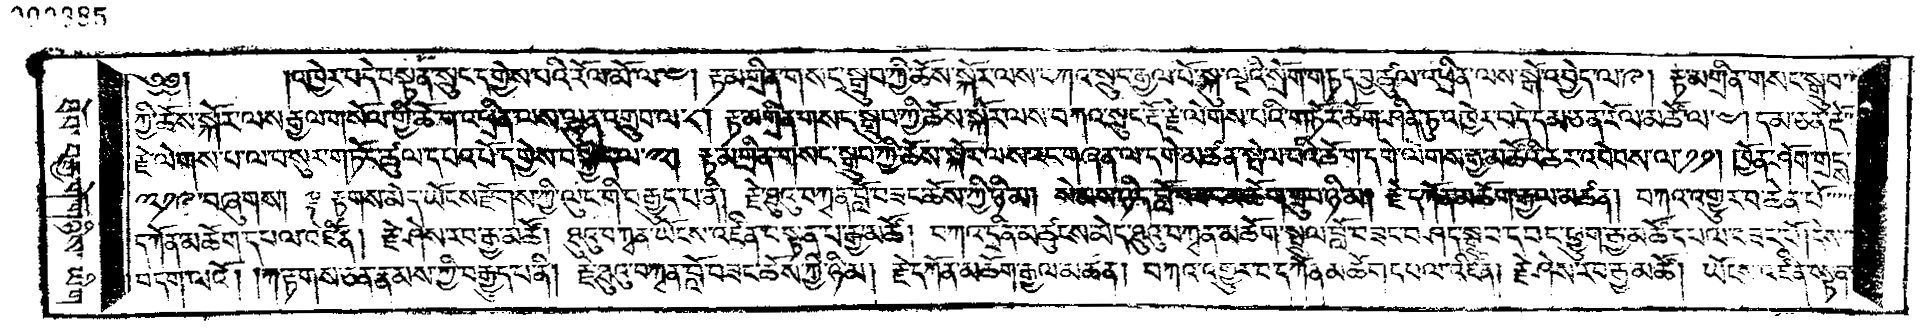༄༅། །འཁྱེར་བདེ་བསྟན་སྲུང་དགྱེས་པའི་རོལ་མོ་ལ ༤། རྟ་མགྲིན་གསང་སྒྲུབ་ཀྱི་ཆོས་སྐོར་ལས་བཀའ་སྲུང་རྒྱལ་པོ་སྐུ་ལྔའི་སྲོག་གཏད་བྱ་ཚུལ་འཕྲིན་ལས་སྒོ་འབྱེད་ལ ༩། རྟ་མགྲིན་གསང་སྒྲུབ་
ཀྱི་ཆོས་སྐོར་ལས་རྒྱལ་གསོལ་གྱི་ཆོ་ག་འཕྲིན་ལས་ལྷུན་འགྲུབ་ལ ༨། རྟ་མགྲིན་གསང་སྒྲུབ་ཀྱི་ཆོས་སྐོར་ལས་བཀའ་སྲུང་རྡོ་རྗེ་ལེགས་པའི་གཏོར་ཆོག་ཤིན་ཏུ་འཁྱེར་བདེ་དམ་ཅན་རོལ་མཚོ་ལ ༤། དམ་ཅན་རྡོ་
རྗེ་ལེགས་པ་ལ་བསུར་གཏོང་ཚུལ་དཔའ་བོ་དགྱེས་བསྐྱེད་ལ ༣། རྟ་མགྲིན་གསང་སྒྲུབ་ཀྱི་ཆོས་སྐོར་ལས་རང་གཞན་ལ་དགེ་མཚན་སྤེལ་བའི་ཆོ་ག་དགེ་ལེགས་རྒྱ་མཚོའི་ཆར་འབེབས་ལ ༡༡། ཁྱོན་ཤོག་གྲངས་
༣༡༩་བཞུགས། ༈ རྟགས་མེད་ཡོངས་རྫོགས་ཀྱི་ལུང་གི་བརྒྱུད་པ་ནི། རྗེ་ཐུའུ་བཀྭན་བློ་བཟང་ཆོས་ཀྱི་ཉི་མ། སེམས་ཉིད་བློ་བཟང་མཆོག་གྲུབ་ཉི་མ། རྗེ་དཀོན་མཆོག་རྒྱལ་མཚན། བཀའ་འགྱུར་བ་ཆེན་པོ་
དཀོན་མཆོག་དཔལ་འཛིན། རྗེ་ཤེས་རབ་རྒྱ་མཚོ། ཐུའུ་བཀྭན་ཡོངས་འཛིན་བསྟན་པ་རྒྱ་མཚོ། བཀའ་དྲིན་མཚུངས་མེད་ཐུའུ་བཀྭན་མཆོག་སྤྲུལ་བློ་བཟང་བཤད་སྒྲུབ་དབང་ཕྱུག་རྒྱ་མཚོ་དཔལ་བཟང་པོ། དེས་
བདག་ལའོ། །ཀ་རྟགས་ཅན་རྣམས་ཀྱི་བརྒྱུད་པ་ནི། རྗེ་ཐུའུ་བཀྭན་བློ་བཟང་ཆོས་ཀྱི་ཉི་མ། རྗེ་དཀོན་མཆོག་རྒྱལ་མཚན། བཀའ་འགྱུར་བ་དཀོན་མཆོག་དཔལ་འཛིན། རྗེ་ཤེས་རབ་རྒྱ་མཚོ། ཡོངས་འཛིན་བསྟན་